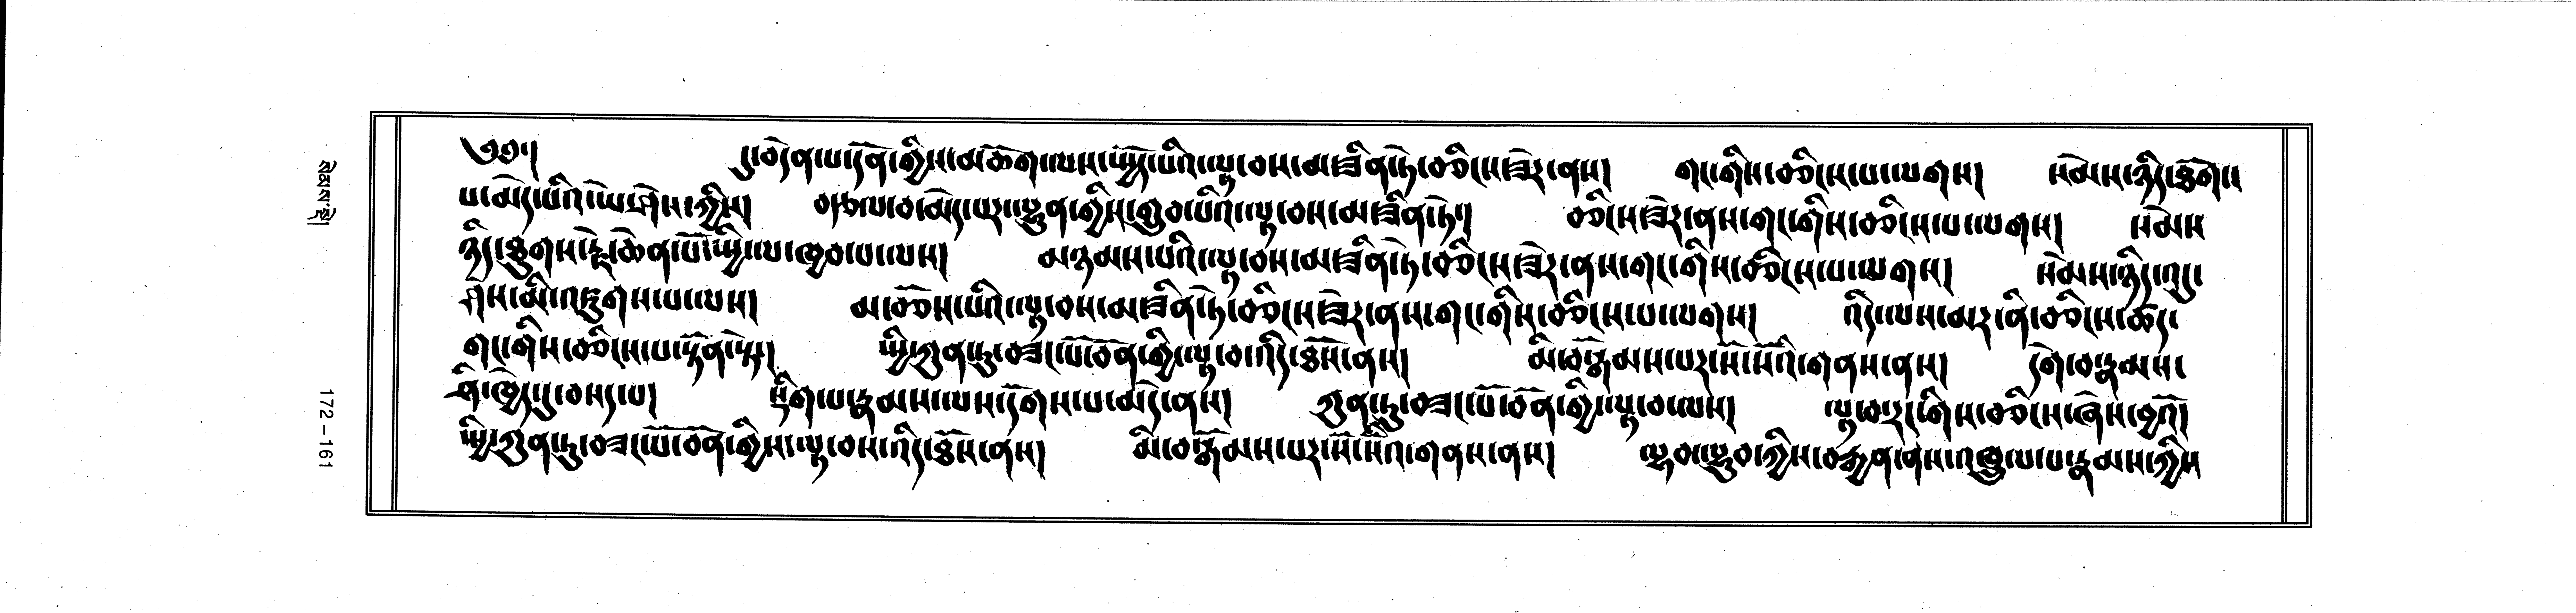དུ་བདེན་པ་དོན་གྱིས་མཆོག་ལས་སྤྱོད་པའི་ལྟ་བས་མ་ཟིན་ཏེ་བཅིངས་ཟེར་ནས། གང་གིས་བཅིངས་པ་ལགས། སེམས་ཉིད་ཐོག་
པ་མེད་པའི་ཡེ་ཤེས་ཀྱིས། བརྩལ་བ་མེད་པར་ལྷུན་གྱིས་གྲུབ་པའི་ལྟ་བས་མ་ཟིན་ཏེ། བཅིངས་ཟེར་ནས་གང་གིས་བཅིངས་པ་ལགས། སེམས་
ཉིད་ཐུགས་རྗེ་ཆེན་པོ་སྤྱི་ལ་ཁྱབ་པ་ལས། མཉམས་པའི་ལྟ་བས་མ་ཟིན་ཏེ་བཅིངས་ཟེར་ནས་གང་གིས་བཅིངས་པ་ལགས། སེམས་ཉིད་འདུ་
ཤེས་མི་འཇུགས་པ་ལས། མ་བཅོས་པའི་ལྟ་བས་མ་ཟིན་ཏེ་བཅིངས་ཟེར་ནས་གང་གིས་བཅིངས་པ་ལགས། འདི་ལས་མར་ནི་བཅིངས་ཚད་
གང་གིས་བཅིངས་པ་སྟོན་སྟེ། སྤྱི་ཀུན་ཏུ་བཟང་པོ་བོན་གྱི་ལྟ་བ་འདི་ཐོས་ནས། མི་བསྒོམས་པར་སོ་སོའི་གནས་ནས། དགེ་བ་རྣམས་
ནི་ཁྱེད་དུ་བསད་པ། སྡིག་པ་རྣམས་ལས་དགོས་པ་མེད་ནས། ཀུན་ཏུ་བཟང་པོ་བོན་གྱི་ལྟ་བ་ལས། ལྟ་བ་རང་གིས་བཅིངས་ཞེས་བྱའོ། 
སྤྱི་ཀུན་ཏུ་བཟང་པོ་བོན་གྱིས་ལྟ་བས་འདི་ཐོས་ནས། མི་བསྒོམས་པར་སོ་སོའི་གནས་ནས། ལྷབ་ལྷུབ་ཀྱིས་བརྒྱན་ནས་འཁྲུལ་པ་རྣམས་ཀྱིས་